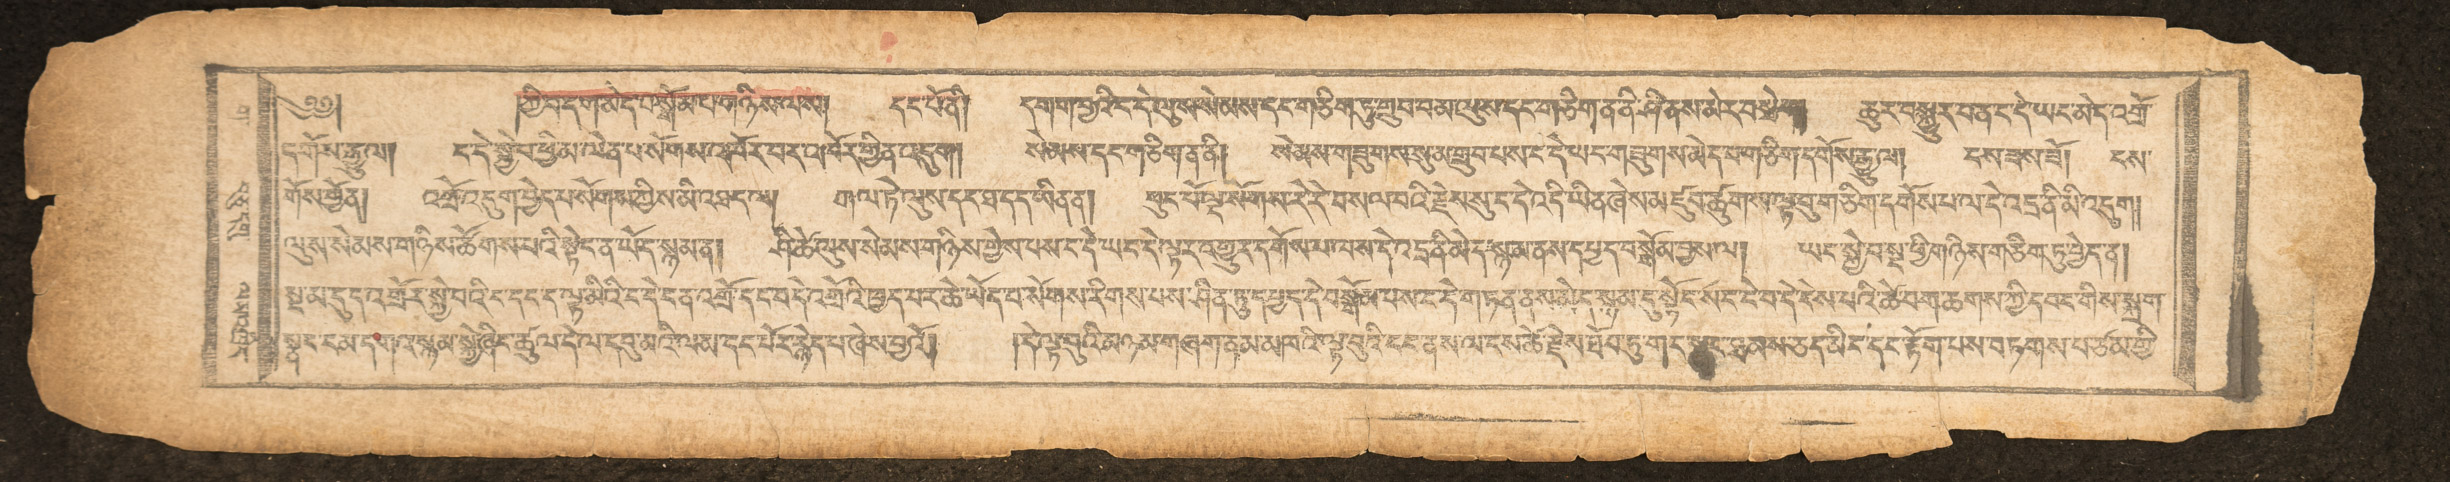༄༅། །ཀྱི་བདག་མེད་བསྒོམ་པ་གཉིས་ལས། དང་པོ་ནི། དགག་བྱའི་ད་དེ་ལུས་སེམས་དང་གཅིག་ཏུ་གྲུབ་བ་མ་ལུས་དང་གཅིག་ན་ནི་ཤི་ནས་མེར་བསྲེག། ཆུར་བསྐྱུར་བ་ནང་དེ་ཡང་མེད་འགྲོ་
དགོས་རྒྱུ་ལ། ང་དེ་སྐྱེ་བ་ཕྱི་མ་ལེན་པ་སོགས་འཁོར་བར་འཁོར་གྱིན་འདུག། སེམས་དང་གཅིག་ན་ནི། སེམས་གཟུགས་སུ་མ་གྲུབ་པས་ང་དེ་ཡང་གཟུགས་མེད་པ་གཅིག་དགོས་རྒྱུ་ལ། ངས་ཟས་བོ། ངས་
གོས་གྱོན། འགྲོ་འདུག་བྱེད་པ་སོགས་ཀྱིས་མི་འཐད་ལ༑ གལ་ཏེ་ལུས་དང་ཐ་དད་ཡིན་ན། ཕུང་པོ་ལྔ་སོགས་རེ་རེ་བསལ་བའི་རྗེས་སུ་བདེ་འདི་ཡིན་ཞེས་མཛུབ་ཚུགས་ལྟ་བུ་གཅིག་དགོས་པ་ལ་དེ་འདྲ་ནི་མི་འདུག།
ལུས་སེམས་གཉིས་ཚོགས་པའི་སྟེང་ན་ཡོད་སྙམ་ན། ཤི་ཚེ་ལུས་སེམས་གཉིས་གྱེས་པས་ང་དེ་ཡང་དེ་ལྟར་འགྱུར་དགོས་པ་ལས་དེ་འདྲ་ནི་མེད་སྙམ་ནས་དཔྱད་བསྒོམ་བྱས་ལ། ཡང་སྐྱེ་བ་སྔ་གཉིས་གཅིག་ཏུ་བྱེད་ན།
སྔ་མ་དུད་འགྲོར་སྐྱེ་བའི་ང་དང་ད་ལྟ་མིའི་ང་དེ་ངན་འགྲོ་དང་བདེ་འགྲོའི་ཁྱད་པར་ཆེ་ཡོད་པ་སོགས་རིགས་པས་ཤིན་ཏུ་དཔྱད་དེ་བསྒོམ་པས་ང་དེ་གཏན་ནས་མེད་སྙམ་དུ་སྟོང་སོང་ངེ་བ་དེ་ངེས་པའི་ཚེ་བག་ཆགས་ཀྱི་དབང་གིས་སྐྲག་
སྣབ?་ངམ་དགའ་སྙམ་སྐྱེ་ཞིབ་ཚུལ་དེ་ལ་དབུ་མཇིལ་མ་དང་པོར་རྙེད་པ་བཞེས་བྱའོ། །དེ་ལྟ་བུའི་མཉམ་གཞག་ནམ་མཁའི་ལྟ་བུའི་དང་ནས་ལ་?་ཚེ་རྗེས་ཐོབ་ཏུ་གང་སྣང་ཐམས་ཅད་མིང་དང་རྟོག་པས་བཏགས་པ་ཙམ་གྱི་